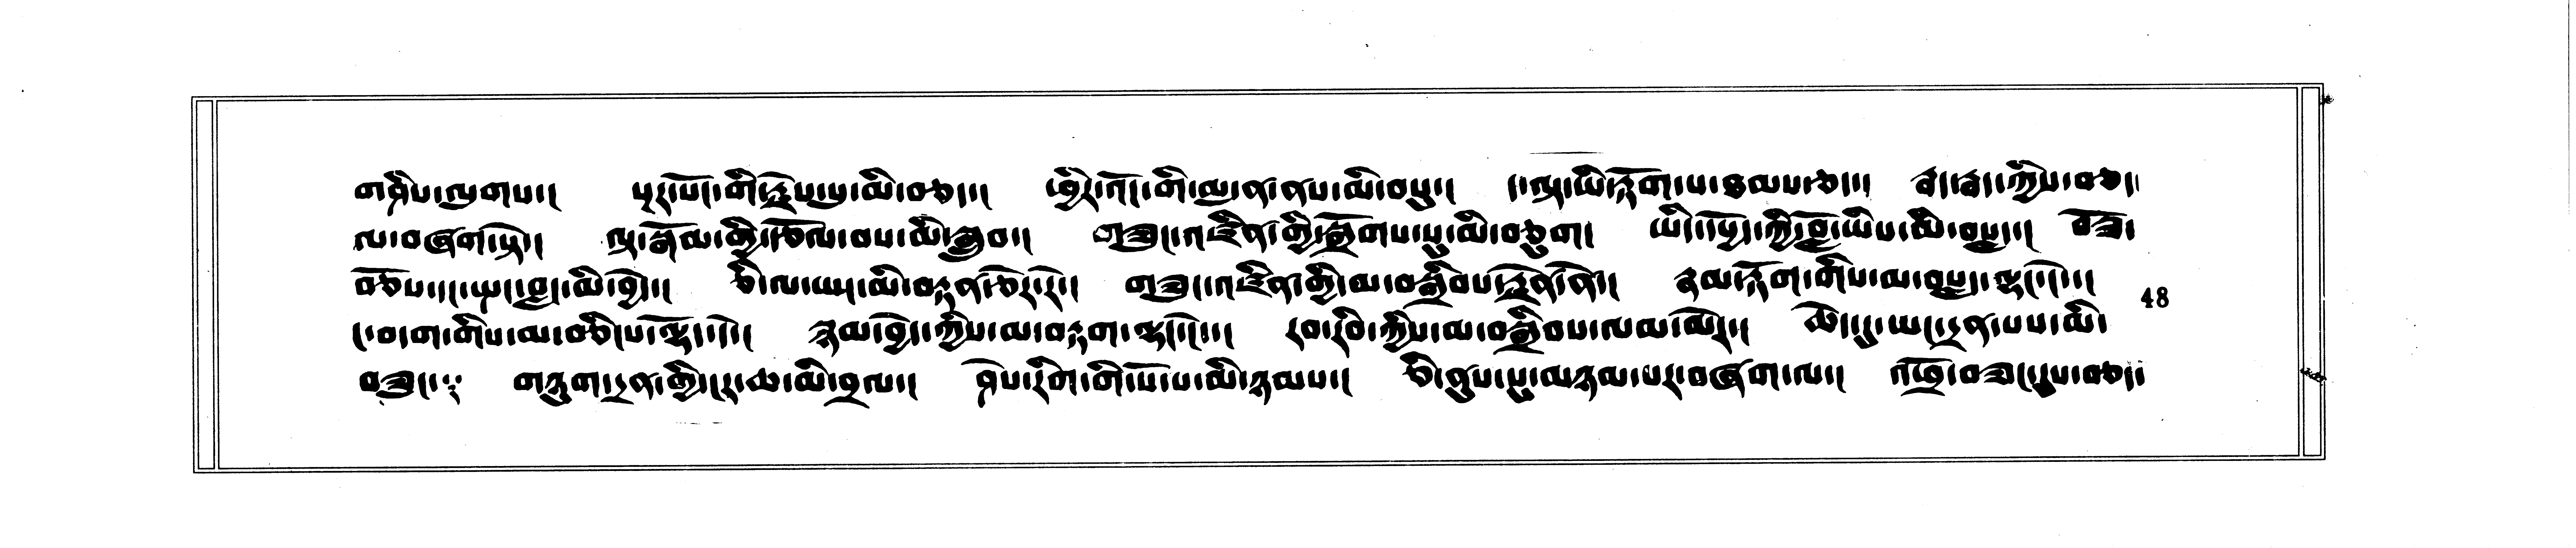གཤིས་ལུགས། །སྔར་སོང་གི་རྗེས་སུ་མི་བཅད། །ཕྱིར་འོང་གི་མདུན་ནས་མི་བསུ། །ད་ལྟ་ཡི་རྟོགས་པ་ཐམས་ཅད། །རྦད་རྦད་ཀྱིས་བཅད་
ལ་བཞག་སྟེ། །ལྟ་སྒོམ་གྱི་རྩོལ་བས་མི་སྒྲུབ། །གཟུང་འཛིན་གྱི་སྒྲོགས་སུ་མི་བཅུག། ཡིད་དཔྱོད་ཀྱི་བློ་ཡིས་མི་བསླད། །བཟོ་
བཅོས་དང་སྤང་བླང་མི་བྱེད། །ཅི་ལ་ཡང་མི་བརྟན་ཅེར་རེ། །གཟུང་འཛིན་གྱིས་མ་བསྒྲིབས་རྗེན་ནེ། །རྣམ་རྟོག་གིས་མ་བསླད་ལྷང་ངེ་། 
།ང་བདག་གིས་མ་བཅིང་ལྷོད་དེ། །སྙམ་བྱེད་ཀྱིས་མ་བརྟག་ལྷང་ངེ་། །རབ་རིབ་ཀྱིས་མ་བསྒྲིབས་ལམ་མེར། །ཆེད་དུ་ཡང་དྲན་པས་མི་
བཟུང་། །གཉུག་བྲན་གྱི་ངར་ཆ་མི་བྲལ། །ཤེས་རིག་གི་སོ་པ་མི་ཉམས། །ཅི་ནུས་སུ་མཉམ་པར་བཞག་ལ། །འཕྲོ་བཟང་དུས་བཅད་